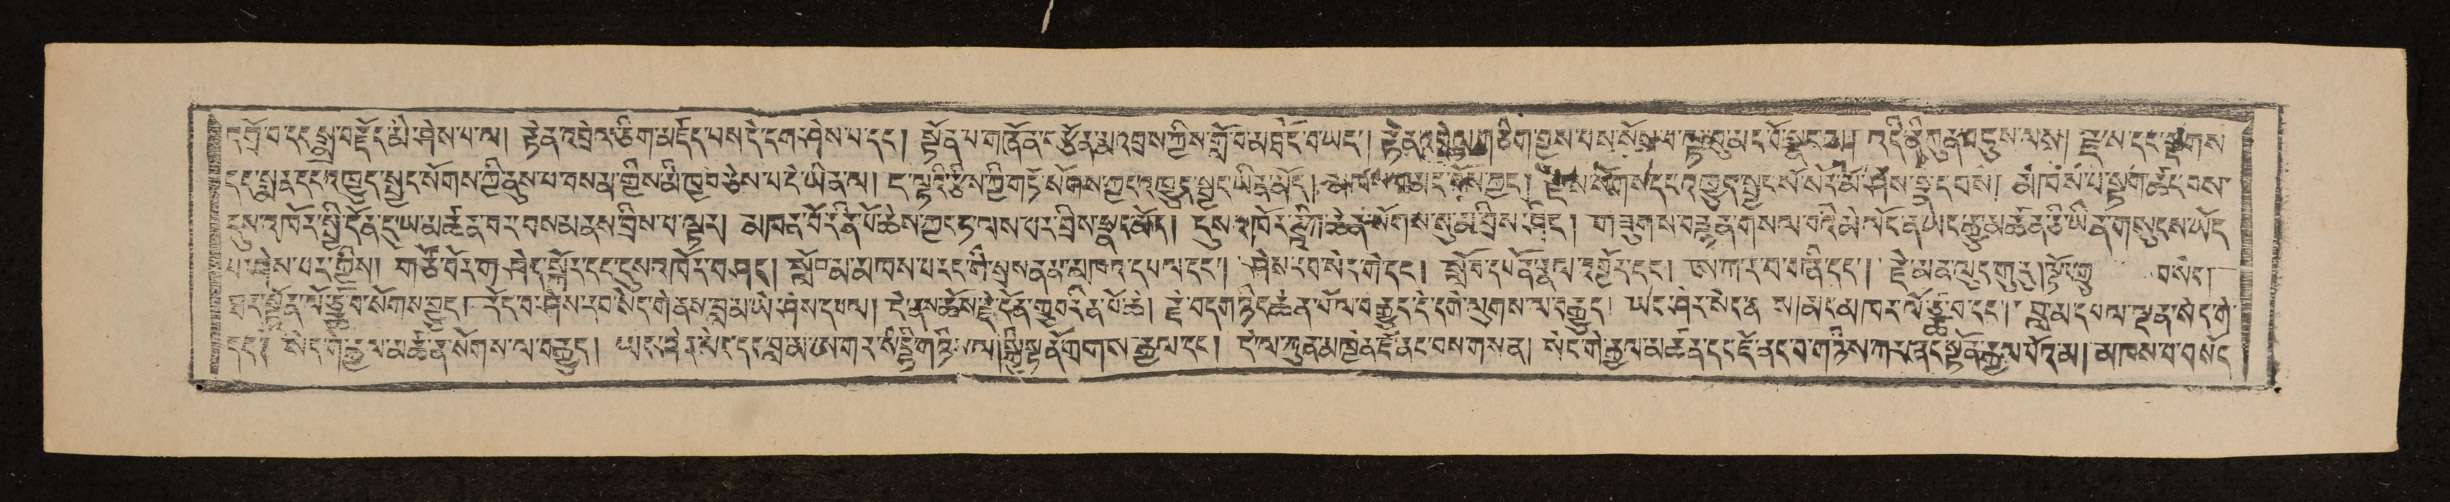འགྲོ་བ་དང་སྨྲ་བརྗོད་མི་ཤེས་པ་ལ། རྟེན་འབྲེལ་ཅིག་མཛད་པས་དེ་དག་ཤེས་པ་དང་། སྟོན་པ་གཞོན་བརྩོན་རྨ་འབྲས་ཀྱིས་གློ་བ་མཐོང་བ་ཡང་། རྟེན་འབྲེལ་གཅིག་བྱས་པས་སོས་བ་ལྟ་བུ་མང་བོ་སྣང་ལ། འདི་ནི་ཀུན་བཏུས་ལས། རྫས་དང་སྔགས་
དང་སྨན་དང་འཁྱུད་སྤྱད་སོགས་ཀྱི་ནུས་པ་བསམ་གྱིས་མི་ཁྱབ་ཅེས་པ་དེ་ཡིན་ལ། ད་ལྟའི་རྩིས་ཀྱི་གཏོ་སོགས་ཀྱང་འཁྱུད་སྤྱད་ཡིན་མོད། མཁས་པ་མང་པོས་ཀྱང་། རྫས་སོགས་དང་འཁྱུད་སྤྱད་སོ་སོར་མ་ཤེས་སྣང་བས། མཁས་པ་སྟག་ཚང་བས་
དུས་འཁོར་སྤྱི་དོན་དུ་ཡ་མཚན་པར་བསམ་ནས་བྲིས་པ་ལྟར། མཁན་པོ་རིན་པོ་ཆེས་ཀྱང་ཧ་ལས་བར་བྲིས་སྣང་མོད། དུས་འཁོར་ཊཱིཀ་ཆེན་སོགས་སུམ་བྲིས་ཤིང་། གཟུགས་བརྙན་གསལ་བའི་མེ་ལོང་ན་ཡང་རྒྱུ་མཚན་ཅི་ཡིན་གསུངས་ཡོད་
པ་ཤེས་བར་གྱིས། གཙོ་བོར་གཤེད་སྐོར་དང་དུས་འཁོར་བཤད། སློབ་མ་མཁས་པ་རང་གི་སྲས་ནམ་མཁའ་དཔལ་དང་། ཤེས་རབ་སེང་གེ་དང་། སློབ་དཔོན་རྣལ་འབྱོར་དང་། ཨ་ཀ་ར་བ་བཞི་དང་། རྗེ་མན་ལུང་གུ་རུ། ལྷོ་པ་གྲུབ་སེང་།
ཐར་སྟོན་ལོཙྪ་བ་སོགས་བྱུང་། རོང་བ་ཤེས་རབ་སེང་གེ་ནས་བླ་མ་ཡེ་ཤེས་དཔལ། དེ་ནས་ཆོས་རྗེ་དོན་གྲུབ་རིན་པོ་ཆེ། རྗེ་བདག་ཉིད་ཆེན་པོ་ལ་བརྒྱུད་དེ་དགེ་ལུགས་ལ་བརྒྱུད། ཡང་ཤེར་སེང་ནས། མང་མཁར་ལོཙྪ་བ་དང་། བླ་མ་དཔལ་ལྡན་སེང་གེ་
དང༑ སེང་གེ་རྒྱལ་མཚན་སོགས་ལ་བརྒྱུད། ཡང་ཤེང་སེང་དང་བླ་མ་ཨ་ཀ་ར་སིདྷི་གཉིས་ལ། སྐྱི་སྟོན་གྲགས་རྒྱལ་དང་། དེ་ལ་ཀུན་མཁྱེན་རྫ་ནང་པས་གསན། སེང་གེ་རྒྱལ་མཚན་དང་ཇོ་ནང་བ་གཉིས་ཀར་ཞང་སྟོན་རྒྱལ་པོའམ། མཁས་པ་བསོད་